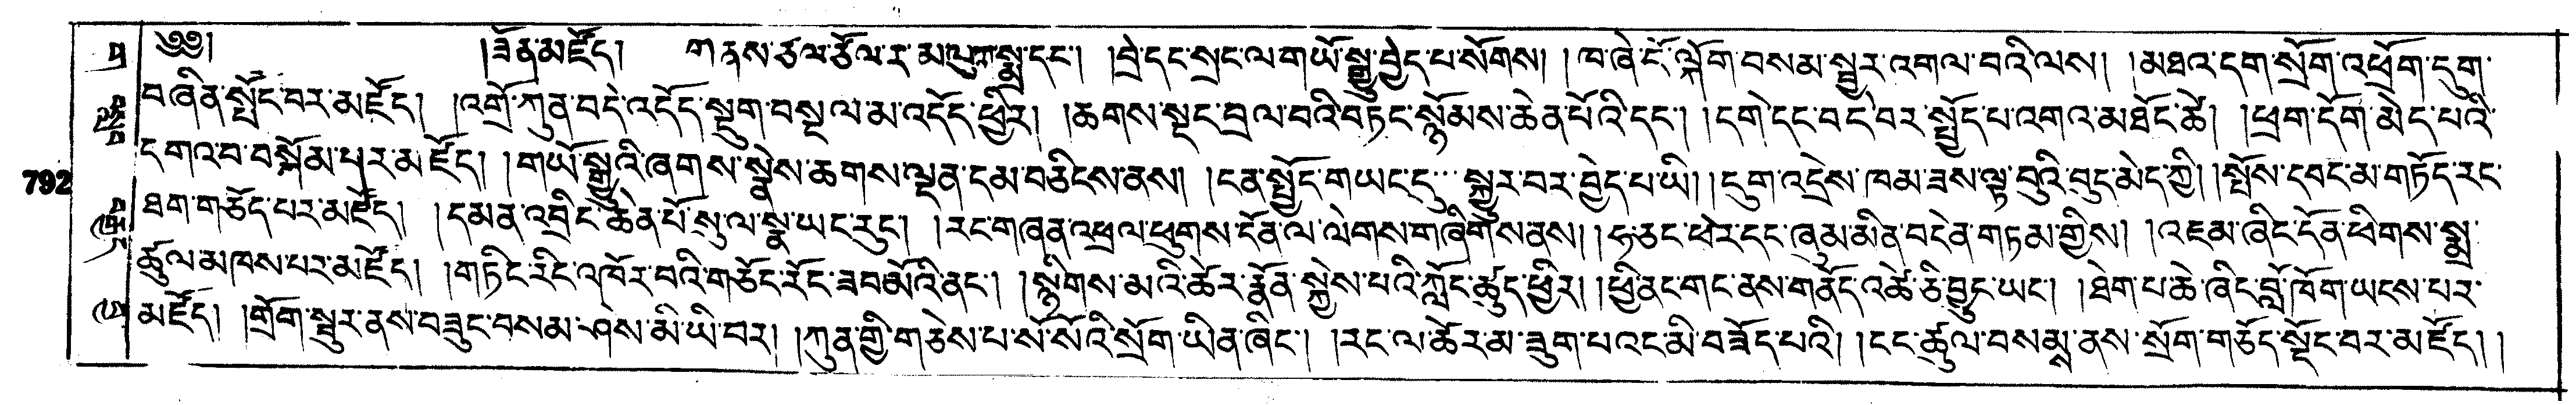༄༅། །ཟོན་མཛོད། གནས་ཙལ་ཙོ་ལ་ར་མ་ལུག་སྨྲ་དང་། །བྲེ་དང་སྲང་ལ་གཡོ་སྒྱུ་བྱེད་པ་སོགས། །ཁ་ཞེ་ངོ་ལྐོག་བསམ་སྦྱར་འགལ་བའི་ལས། །མཐའ་དག་སྲོག་འཕྲོག་དུག་
བཞིན་སྤོང་བར་མཛོད། །འགྲོ་ཀུན་བདེ་འདོད་སྡུག་བསྔལ་མ་འདོད་ཕྱིར། །ཆགས་སྡང་བྲལ་བའི་བཏང་སྙོམས་ཆེན་པོའི་དང་། །དགེ་དང་བདེ་བར་སྤྱོད་པ་འགའ་མཐོང་ཚེ། །ཕྲག་དོག་མེད་པའི་
དགའ་བ་བསྒོམ་པར་མཛོད། །གཡོ་སྒྱུའི་ཞགས་སྣེས་ཆགས་ལྡན་དམ་བཅིངས་ནས། །ངན་སྤྱོད་གཡང་དུ་སྐྱུར་བར་བྱེད་པ་ཡི། །དུག་འདྲེས་ཁམ་ཟས་ལྟ་བུའི་བུད་མེད་ཀྱི། །སྤོས་དབང་མ་གཏོད་རང་
ཐག་གཅོད་པར་མཛོད། །དམན་འབྲིང་ཆེན་པོ་སུ་ལ་སྣ་ཡང་རུང་། །རང་གཞན་འཕྲལ་ཕུགས་དོན་ལ་ལེགས་གཞིགས་ནས། །ཧ་ཅང་ཕེར་དང་ཞུམ་མིན་བདེན་གཏམ་གྱིས། །འཇམ་ཞིང་དོན་ཕིགས་སྨྲ་
ཚུལ་མཁས་པར་མཛོད། །གཏིང་རིང་འཁོར་བའི་གཅོང་རོང་ཟབ་མོའི་ནང་། །སྙིགས་མའི་ཚེར་རྣོན་སྐྱེས་པའི་ཀློང་ཚུད་ཕྱིར། །ཕྱི་ནང་གང་ནས་གནོད་འཚེ་ཅི་བྱུང་ཡང་། །ཐེག་པ་ཆེ་ཞིང་བློ་ཁོག་ཡངས་པར་
མཛོད། །གྲོག་སྦུར་ནས་བཟུང་བསམ་ཤེས་མི་ཡི་བར། །ཀུན་གྱི་གཅེས་པ་སོ་སོའི་སྲོག་ཡིན་ཞིང་། །རང་ལ་ཚེར་མ་ཟུག་པའང་མི་བཟོད་པའི། །ངང་ཚུལ་བསམས་ནས་སྲོག་གཅོད་སྡོང་བར་མཛོད།།